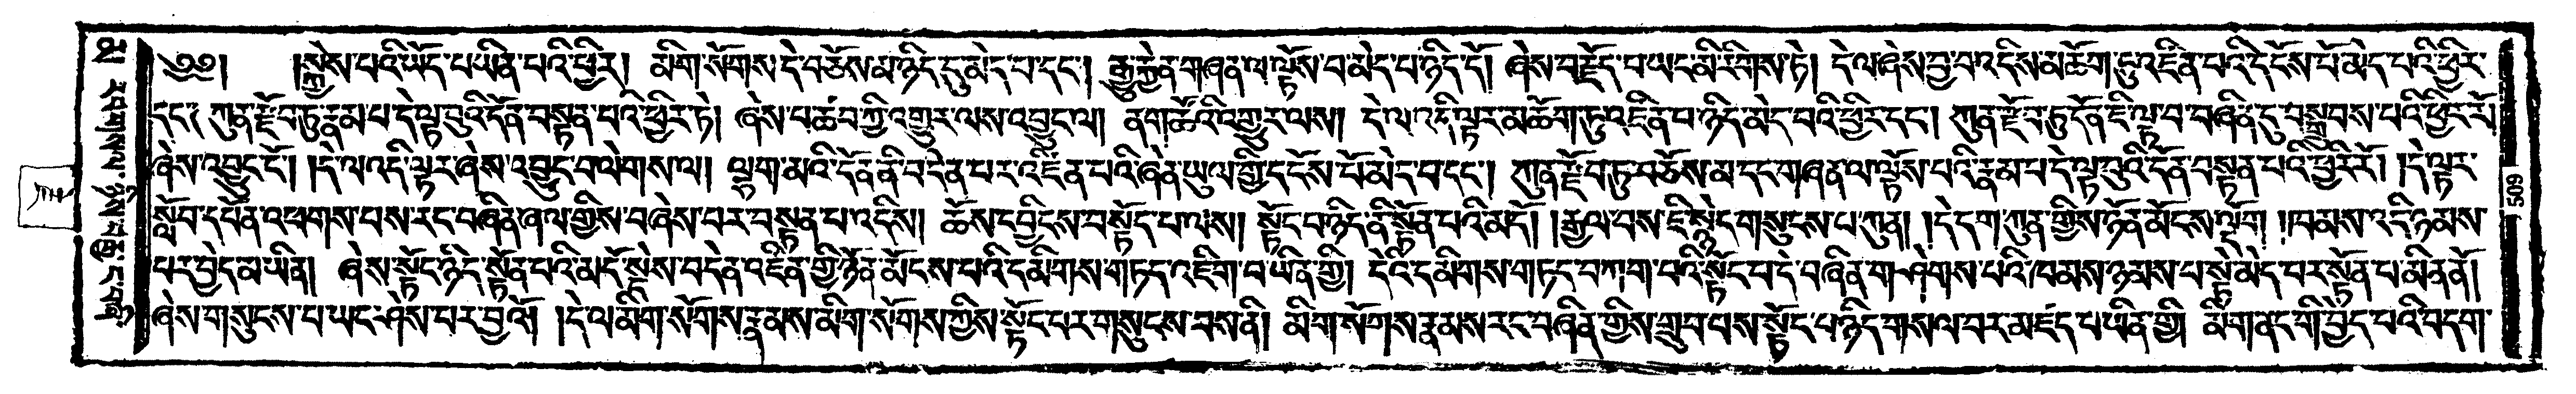༄༅། །སྐྱེས་པའི་ཡོད་པ་ཡིན་པའི་ཕྱིར། མིག་སོགས་དེ་བཅོས་མ་ཉིད་དུ་མེད་པ་དང་། རྒྱུ་རྐྱེན་གཞན་ལ་ལྟོས་པ་མེད་པ་ཉིད་དོ། ཞེས་བརྗོད་པ་ཡང་མི་རིགས་ཏེ། དེ་ལ་ཞེས་བྱ་བ་འདིས་མཆོག་ཏུ་འཛིན་པའི་དངོས་པོ་མེད་པའི་ཕྱིར་
དང༑ ཀུན་རྫོབ་ཏུ་རྣམ་པ་དེ་ལྟ་བུའི་དོན་བསྟན་པའི་ཕྱིར་ཏེ། ཞེས་པ་ཚབ་ཀྱི་འགྱུར་ལས་འབྱུང་ལ། ནག་ཚོའི་འགྱུར་ལས། དེ་ལ་འདི་ལྟར་མཆོག་ཏུ་འཛིན་པ་ཉིད་མེད་པའི་ཕྱིར་དང་། ཀུན་རྫོབ་ཏུ་དོན་ཇི་ལྟ་བ་བཞིན་དུ་བསྒྲུབས་པའི་ཕྱིར་རོ།།
ཞེས་འབྱུང་ངོ། །དེ་ལ་འདི་ལྟར་ཞེས་འབྱུང་བ་ལེགས་ལ། ལྷག་མའི་དོན་ནི་བདེན་པར་འཛིན་པའི་ཞེན་ཡུལ་གྱི་དངོས་པོ་མེད་པ་དང་། ཀུན་རྫོབ་ཏུ་བཅོས་མ་དང་གཞན་ལ་ལྟོས་པའི་རྣམ་པ་དེ་ལྟ་བུའི་དོན་བསྟན་པའི་ཕྱིར་རོ། །དེ་ལྟར་
སློབ་དཔོན་འཕགས་པས་རང་བཞིན་ཞལ་གྱིས་བཞེས་པར་བསྟན་པ་འདིས། ཆོས་དབྱིངས་བསྟོད་པ་ལས། སྟོང་པ་ཉིད་ནི་སྟོན་པའི་མདོ། །རྒྱལ་བས་ཇི་སྙེད་གསུངས་པ་ཀུན། །དེ་དག་ཀུན་གྱིས་ཉོན་མོངས་ལྡོག །ཁམས་འདི་ཉམས་
པར་བྱེད་མ་ཡིན། ཞེས་སྟོང་ཉིད་སྟོན་པའི་མདོ་སྡེས་བདེན་འཛིན་གྱི་ཉོན་མོངས་པའི་དམིགས་གཏད་འཇིག་པ་ཡིན་གྱི། དེའི་དམིགས་གཏད་བཀག་པའི་སྟོང་པ་དེ་བཞིན་གཤེགས་པའི་ཁམས་ཉམས་པ་སྟེ་མེད་པར་སྟོན་པ་མིན་ནོ།
ཞེས་གསུངས་པ་ཡང་ཤེས་པར་བྱའོ། །དེ་ལ་མིག་སོགས་རྣམས་མིག་སོགས་ཀྱིས་སྟོང་པར་གསུངས་པས་ནི། མིག་སོགས་རྣམས་རང་བཞིན་གྱིས་གྲུབ་པས་སྟོང་པ་ཉིད་གསལ་བར་མཛད་པ་ཡིན་གྱི། མིག་ནང་གི་བྱེད་པའི་བདག་